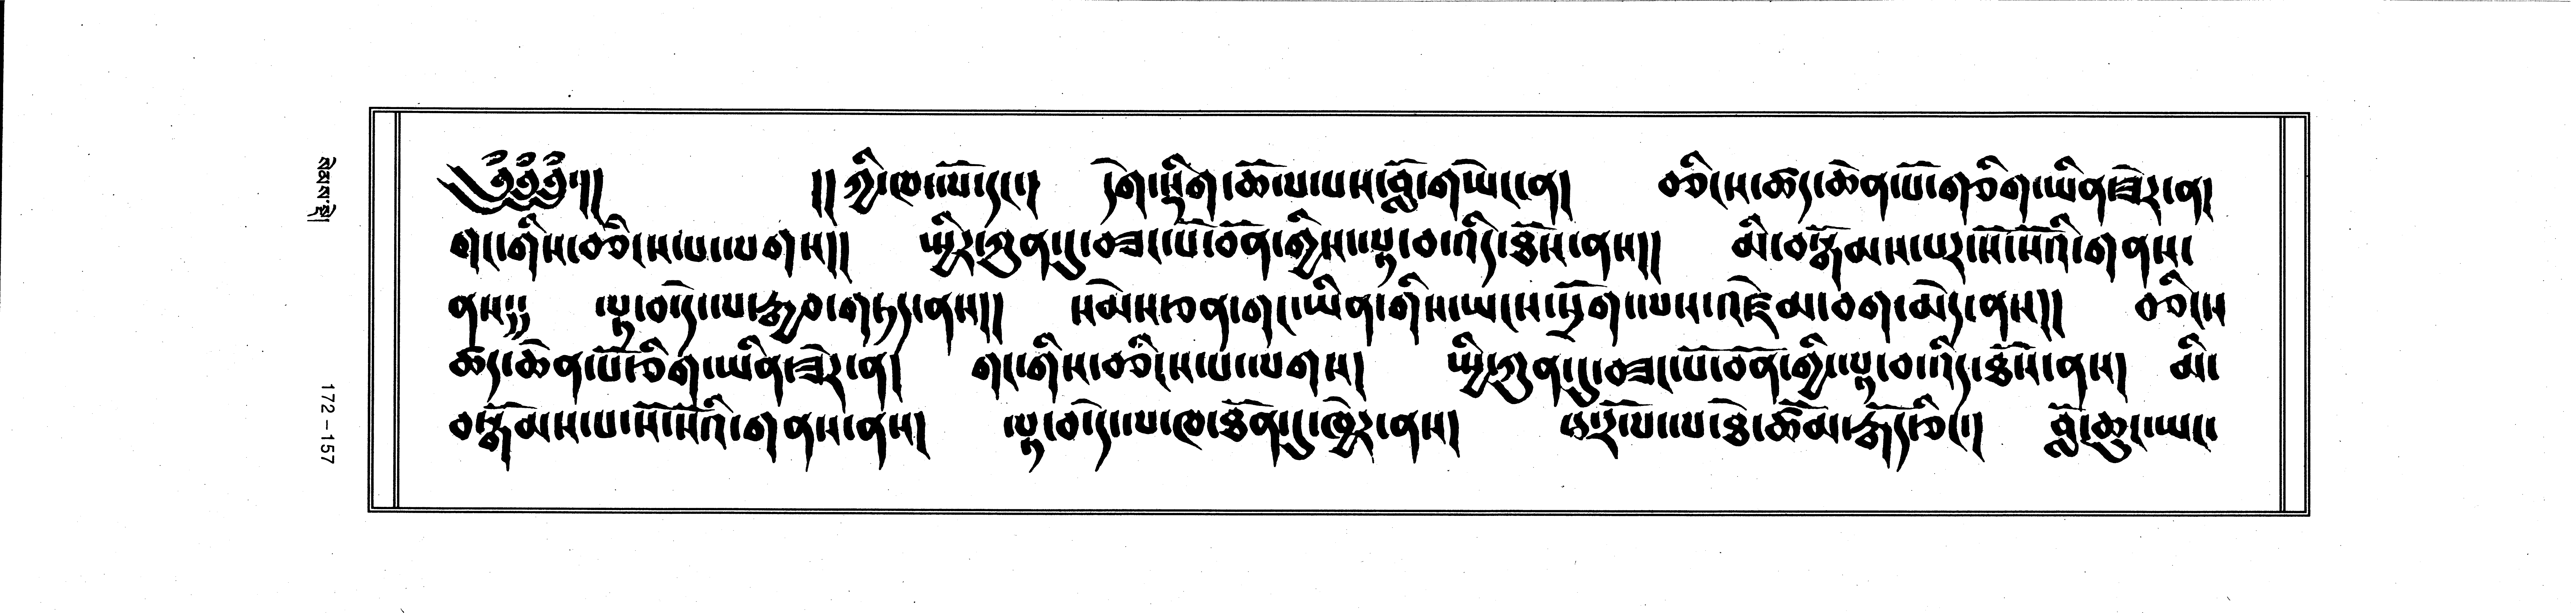ཀྱི་ཁ་ལོ་དང་། དགེ་སྡིག་ཆོལ་པས་བློ་གཡེང་ན། བཅིངས་ཚད་ཆེན་པོ་གཅིག་ཡིན་ཟེར་ན། 
གང་གིས་བཅིངས་པ་ལགས། སྤྱིར་ཀུན་དུ་བཟང་པོ་བོན་གྱིས་ལྟ་བ་འདི་ཐོས་ནས། མི་བསྒོམས་པར་སོ་སོའི་གནས་
ནས། ལྟ་བ་དེ་ལ་རྒྱབ་གཏད་ནས། སེམས་ཅན་གང་ཡིན་གིས་ཡངས་སྲོག་ལས་འཛེམ་བག་མེད་ནས། བཅིངས་
ཚད་ཆེན་པོ་ཅིག་ཡིན་ཟེར་ན། གང་གིས་བཅིངས་པ་ལགས། སྤྱི་ཀུན་དུ་བཟང་པོ་བོན་གྱི་ལྟ་བ་འདི་ཐོས་ནས། མི་
བསྒོམས་པ་སོ་སོའི་གནས་ནས། ལྟ་བ་དེ་ལ་ཁ་ཐོན་དུ་ཁྱེར་ནས། ཕ་རོལ་ལ་ཐེ་ཚོམ་རྒོད་ཅིང་། བློ་ཆུང་ཡང་